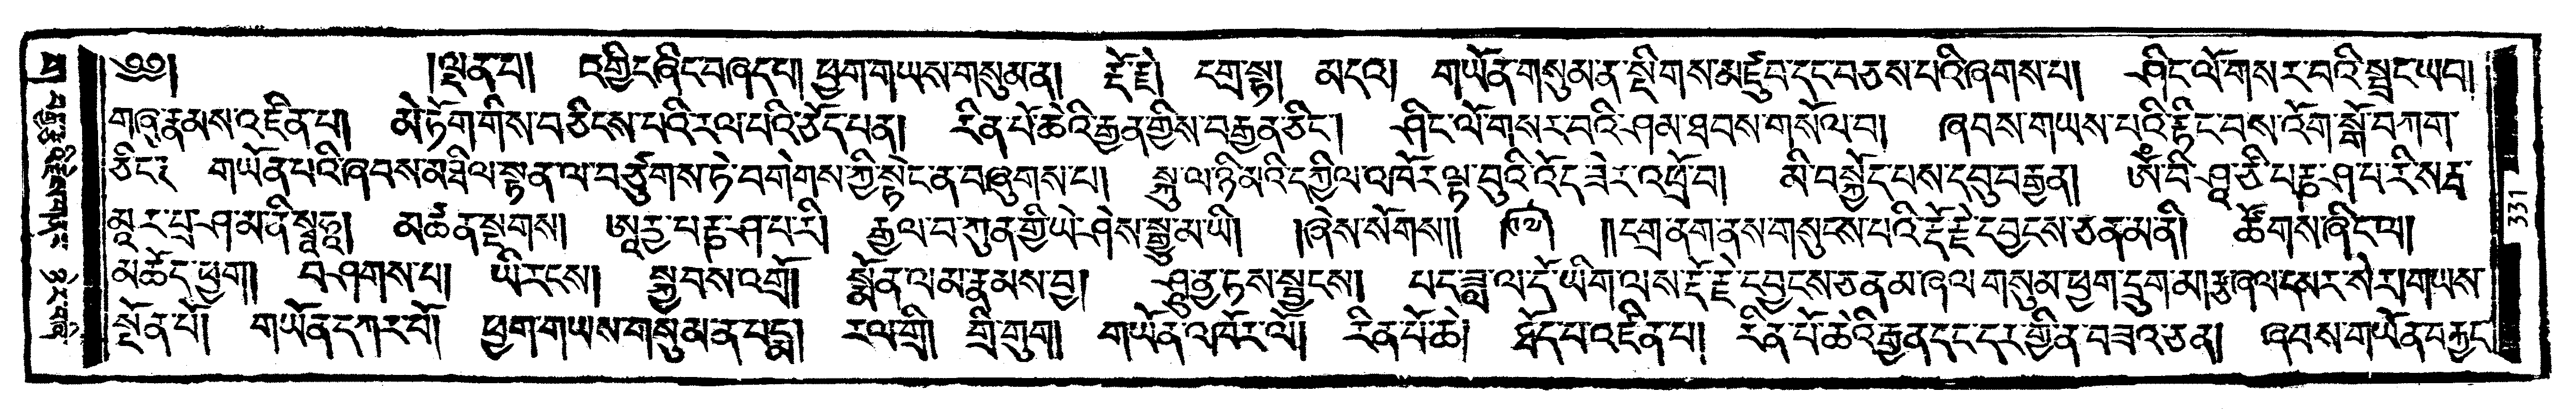༄༅། །ལྡན་པ། འགྱིང་ཞིང་བཞད་པ། ཕྱག་གཡས་གསུམ་ན། རྡོ་རྗེ། དགྲ་སྟ། མདའ། གཡོན་གསུམ་ན་སྡིགས་མཛུབ་དང་བཅས་པའི་ཞགས་པ། ཤིང་ལོ་གསར་བའི་སྤྲང་ཡང་།
གཞུ་རྣམས་འཛིན་པ། མེ་ཏོག་གིས་བཅིངས་པའི་རལ་པའི་ཅོད་པན། རིན་པོ་ཆེའི་རྒྱན་གྱིས་བརྒྱན་ཅིང་། ཤིང་ལོ་གསར་བའི་ཤམ་ཐབས་གསོལ་བ། ཞབས་གཡས་པའི་རྟིང་བས་འོག་སྒོ་བཀག་
ཅིང༑ གཡོན་པའི་ཞབས་མཐིལ་སྟན་ལ་བཙུགས་ཏེ་བགེགས་ཀྱི་སྟེང་ན་བཞུགས་པ། སྐུ་ལ་ཉི་མའི་དཀྱིལ་འཁོར་ལྟ་བུའི་འོད་ཟེར་འཕྲོ་བ། མི་བསྐྱོད་པས་དབུ་བརྒྱན། ཨོཾ་བི་ཤཱ་ཙི་པརྞ་ཤ་པ་རི་སརྦ་
མཱ་ར་པྲ་ཤ་མ་ནི་སྭཱཧཱ། མཚན་སྔགས། ཨཱརྱ་པརྞ་ཤ་པ་རི། རྒྱལ་བ་ཀུན་གྱི་ཡེ་ཤེས་སྒྱུ་མ་ཡི། །ཞེས་སོགས།། ༤༧?་།།དགྲ་ནག་ནས་གསུངས་པའི་རྡོ་རྗེ་དབྱངས་ཅན་མ་ནི། ཚོགས་ཞིང་ལ།
མཆོད་ཕྱག། བཤགས་པ། ཡི་རངས། སྐྱབས་འགྲོ། སྨོན་ལམ་རྣམས་བྱ། ཤཱུ་ནྱ་ཏས་སྦྱངས། པད་ཟླ་ལ་དོ་ཡིག་ལས་རྡོ་རྗེ་དབྱངས་ཅན་མ་ཞལ་གསུམ་ཕྱག་དྲུག་མ། རྩ་ཞལ་དམར་སེར། གཡས་
སྔོན་པོ། གཡོན་དཀར་པོ། ཕྱག་གཡས་གསུམ་ན་པདམ། རལ་གྲི། གྲི་གུག། གཡོན་འཁོར་ལོ། རིན་པོ་ཆེ། ཐོད་པ་འཛིན་པ། རིན་པོ་ཆེའི་རྒྱན་དང་དར་གྱི་ན་བཟའ་ཅན། ཞབས་གཡོན་བརྐྱང་